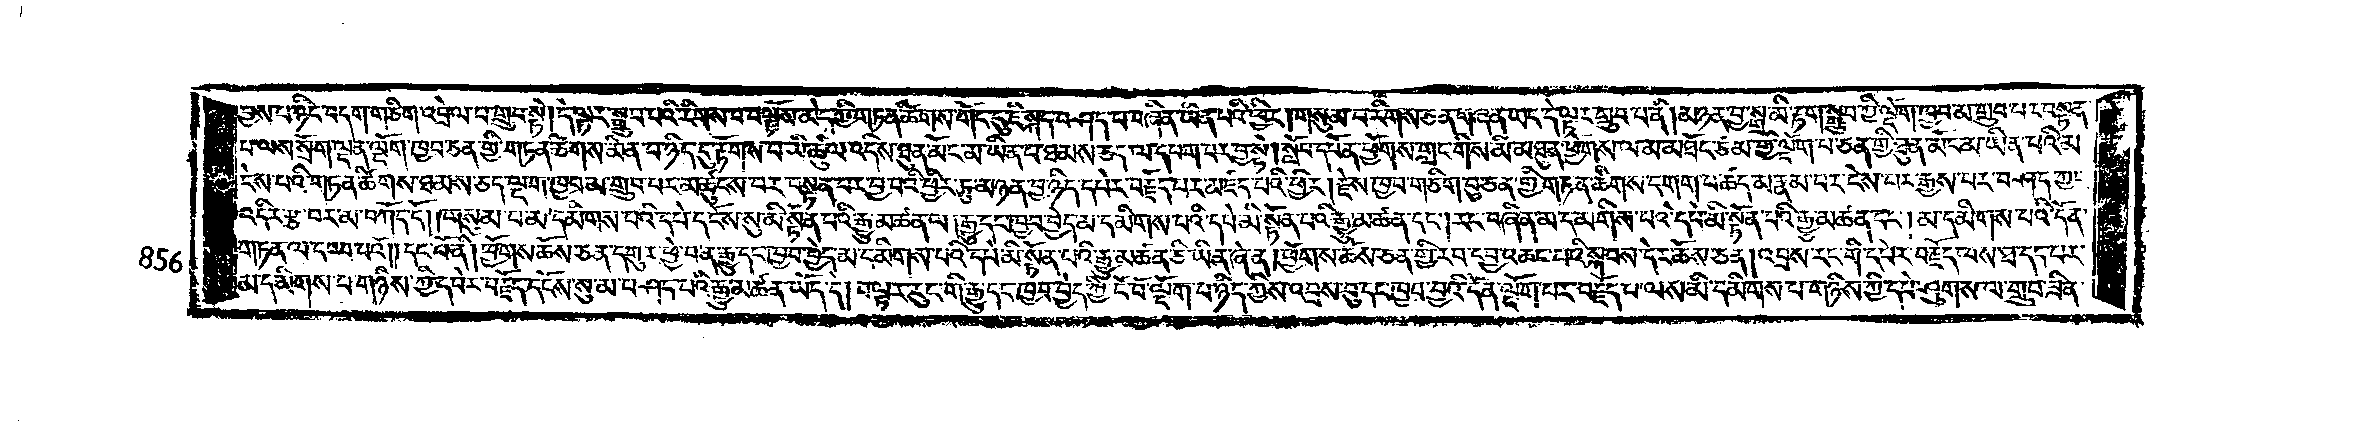བྱས་པ་ཉིད་བདག་གཅིག་འབྲེལ་བ་གྲུབ་སྟེ། དེ་ལྟར་སྒྲུབ་པའི་རིགས་པ་བལྟོས་མེད་ཀྱི་གཏན་ཚིགས་གོང་དུ་ཇི་སྐད་བཤད་པ་བཞིན་ཡིན་པའི་ཕྱིར། གསུམ་པ་རིགས་ཅན་གཞན་ཡང་དེ་ལྟར་གྲུབ་པ་ནི། མཉན་བྱ་སྒྲ་མི་རྟག་སྒྲུབ་ཀྱི་ལྡོག་ཁྱབ་མ་གྲུབ་པར་བསྟན་
པ་ལས་སྲོག་ལྡན་ལྡོག་ཁྱབ་ཅན་གྱི་གཏན་ཚིགས་མིན་པ་ཉིད་དུ་རྟོགས་པ་ཡི་ཚུལ་འདིས་ཐུན་མོང་མ་ཡིན་པ་ཐམས་ཅད་ལ་དཔག་པར་བྱ་སྟེ། སློབ་དཔོན་ཕྱོགས་གླང་གིས་མི་མཐུན་ཕྱོགས་ལ་མ་མཐོང་ཙམ་གྱི་ལྡོག་པ་ཅན་གྱི་ཐུན་མོང་མ་ཡིན་པའི་མ་
ངེས་པའི་གཏན་ཚིགས་ཐམས་ཅད་ལྡོག་ཁྱབ་མ་གྲུབ་པར་མཚུངས་བར་བསྟན་པར་བྱ་བའི་ཕྱིར་ཏུ་མཉན་བྱ་ཉིད་དཔེར་བརྗོད་པར་མཛད་པའི་ཕྱིར། རྗེས། བྱ་བ་གཅིག་བུ་ཅན་གྱི་གཏན་ཚིགས་དགག་པ་ཚད་མ་རྣམ་པར་ངེས་པར་རྒྱས་པར་བཤད་ཀྱང་
འདིར་རྩ་བར་མ་བཀོད་དོ། །གསུམ་པ་མ་དམིགས་པའི་དཔེ་དངོས་སུ་མི་སྟོན་པའི་རྒྱུ་མཚན་ལ། རྒྱུ་དང་ཁྱབ་བྱེད་མ་དམིགས་པའི་དཔེ་མི་སྟོན་པའི་རྒྱུ་མཚན་དང་། རང་བཞིན་མ་དམིགས་པའི་དཔེ་མི་སྟོན་པའི་རྒྱུ་མཚན་དང་། མ་དམིགས་པའི་དོན་
གཏན་པ་དབབ་པའོ། །དང་པོ་ནི། ཕྱོགས་ཆོས་ཅན་དགུར་ཕྱེ་པ་ན་རྒྱུ་དང་ཁྱབ་བྱེད་མ་དམིགས་པའི་དཔེ་མི་སྟོན་པའི་རྒྱུ་མཚན་ཅི་ཡིན་ཞེ་ན། ཕྱོགས་ཆོས་ཅན་གྱི་རབ་དབྱེ་འཆད་པའི་སྐབས་དེར་ཆོས་ཅན། འབྲས་རང་གི་དཔེར་བརྗོད་ལས་ཐ་དད་པར་
མ་དམིགས་པ་གཉིས་ཀྱི་དཔེར་བརྗོད་དངོས་སུ་མ་བཤད་པའི་རྒྱུ་མཚན་ཡོད་དེ། བལྟར་རུང་གི་རྒྱུ་དང་ཁྱབ་བྱེད་ཀྱི་ངོ་བོ་ལྡོག་པ་ཉིད་ཀྱིས་འབྲས་བུ་དང་ཁྱབ་བྱའི་དོན་ལྡོག་པར་བརྗོད་པ་ལས་མི་དམིགས་པ་གཉིས་ཀྱི་དཔེ་ཤུགས་ལ་གྲུབ་ཟིན་